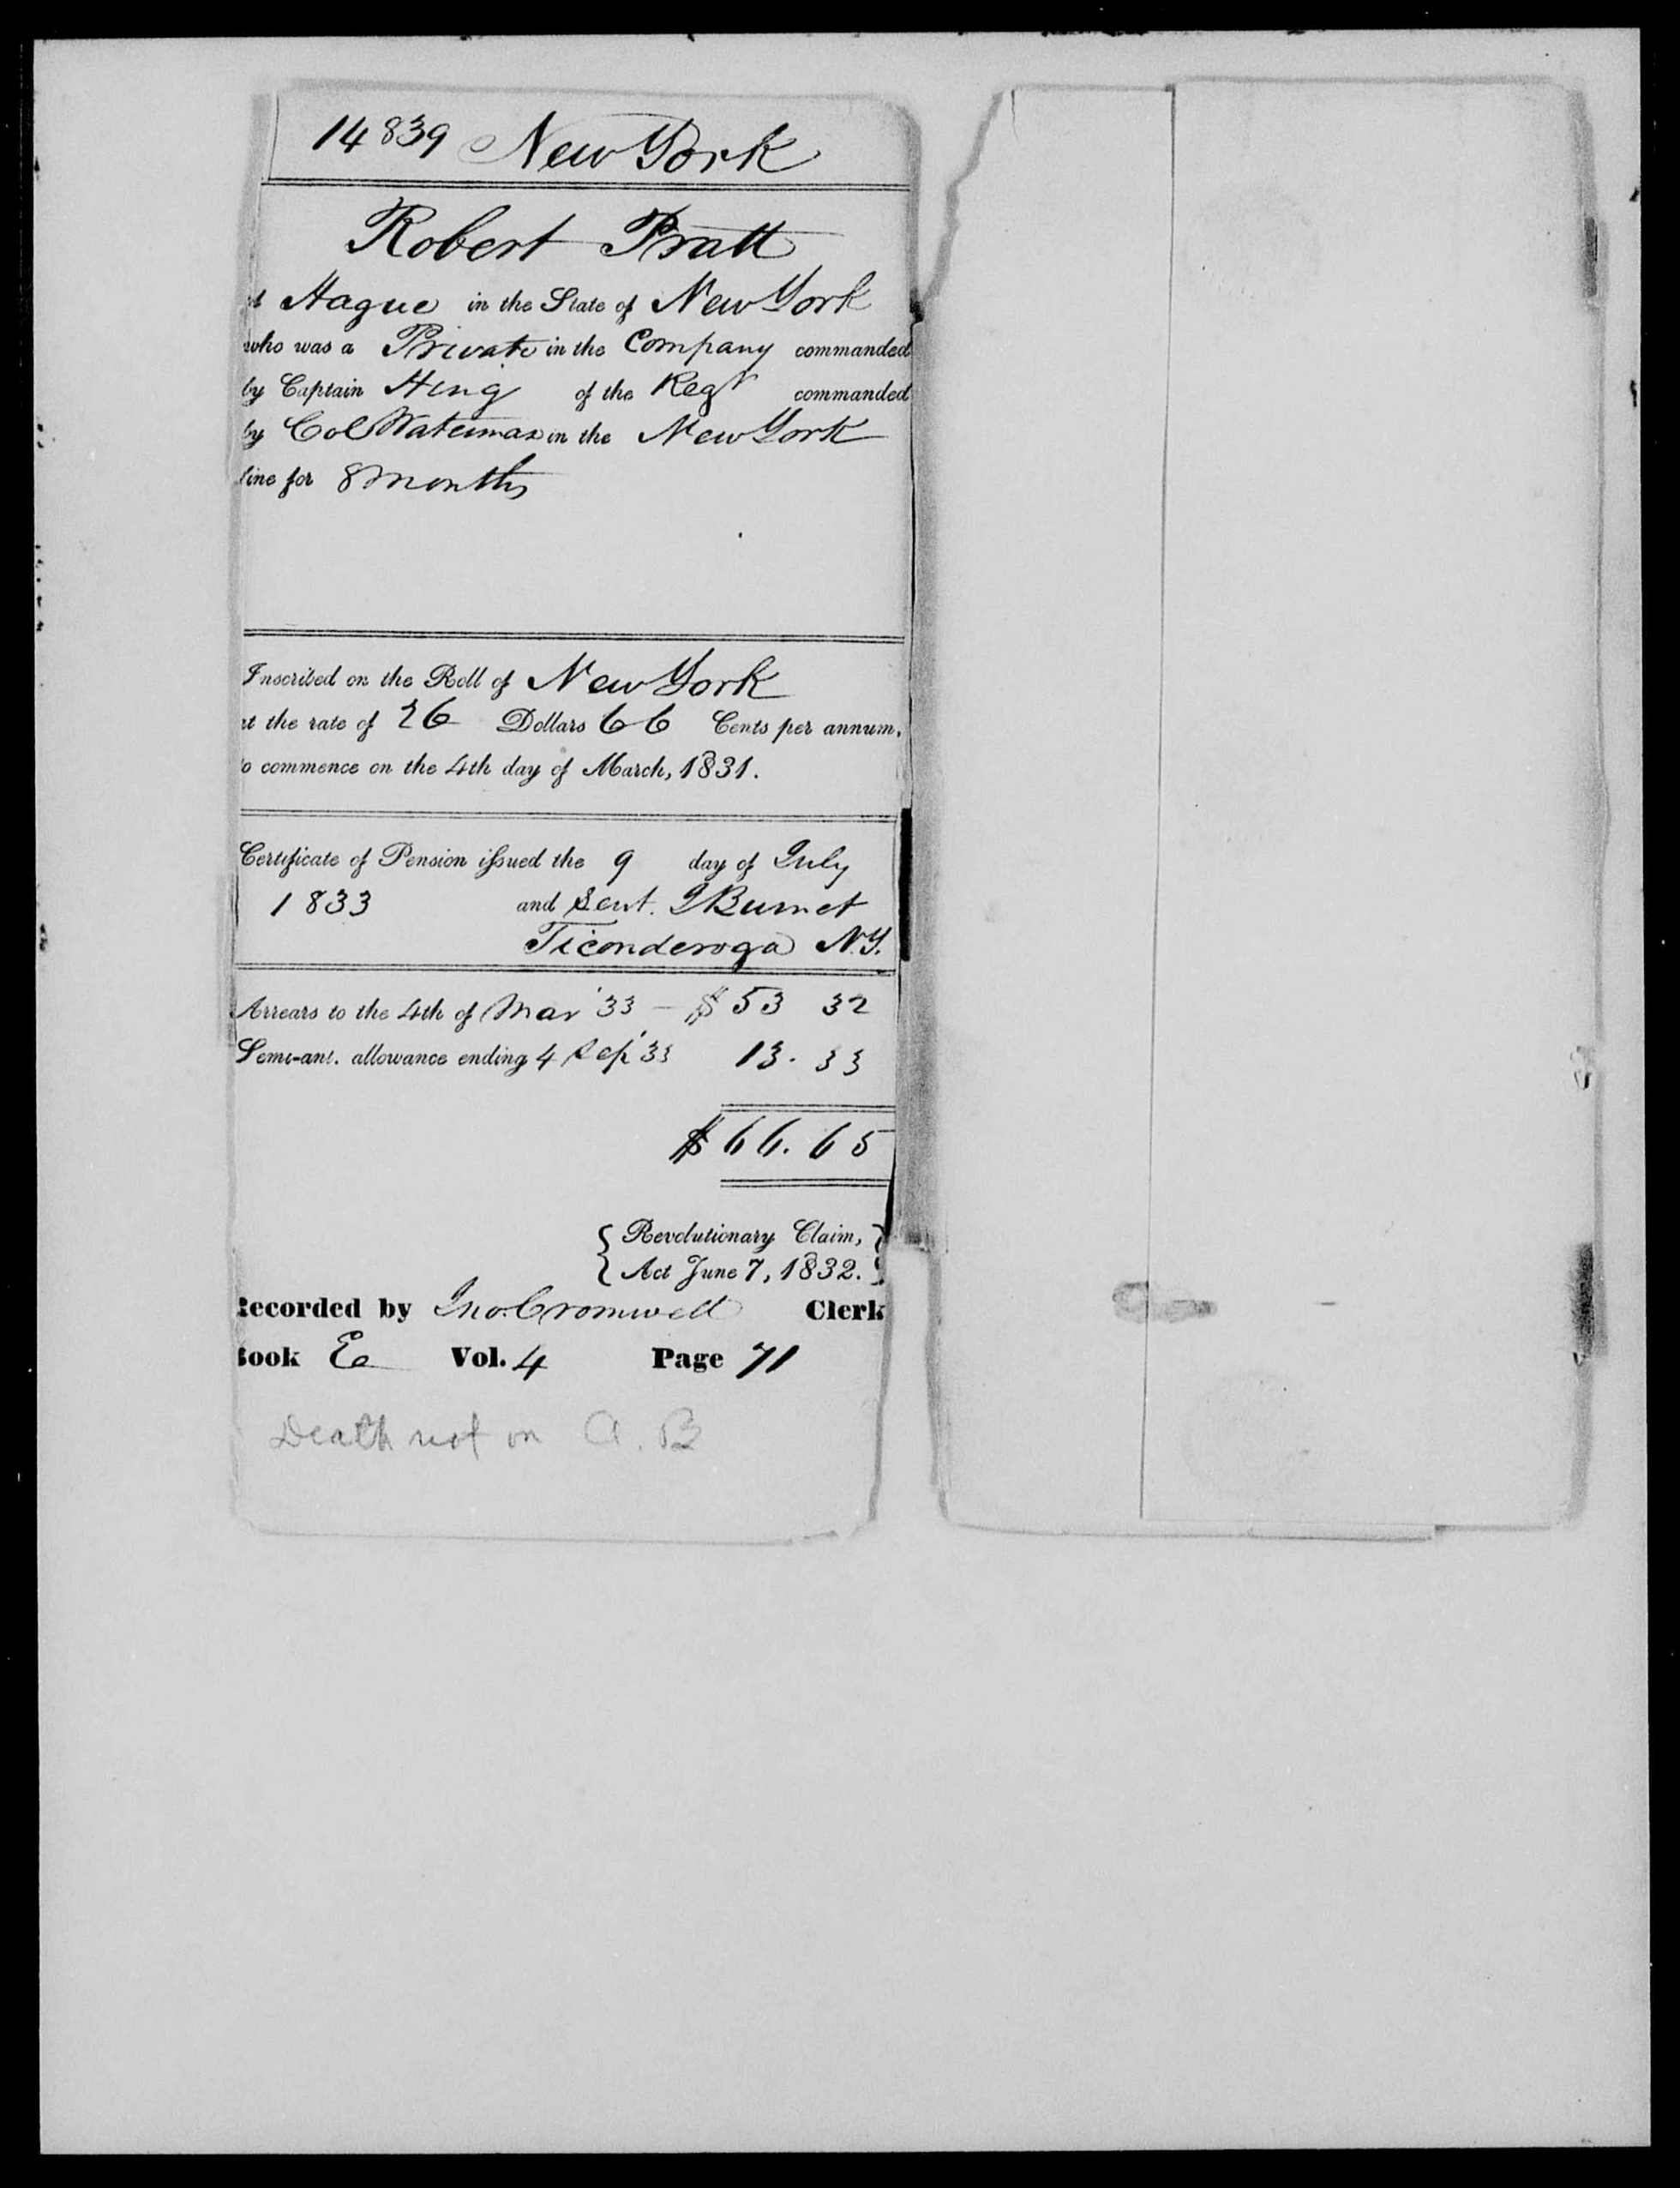14839 New York
Robert Pratt
of Hague in the State of New York
who was a Private in the Company commanded by Captain Hing of the Regt
commanded by Col Waterman in the New York
line for 8 months

Inscribed on the Roll of New York
the rate of 26 Dollars 66 Cents per annum,
to commence on the 4th day of March, 1831.

Certificate of Pension issued the 9 day of July
1833 and sent J Burnet, Ticonderoga N.Y.

Arrears to the 4th of Mar '33 - $53.32
Semi-ant. allowance ending 4 Sep 33 - $13.33
[Total] $66.65 

{Revolutionary Claim,
Act June 7, 1832.}

Recorded by Jno Cromwell, Clerk
Book E, Vol. 4, Page 71
Death not on A. B.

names: Jno Cromwell; [BLANK] Hing; J Burnet; [BLANK] Waterman; Robert Pratt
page: 2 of 23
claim: survivor's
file: S. 14,229, for Robert Pratt, New York